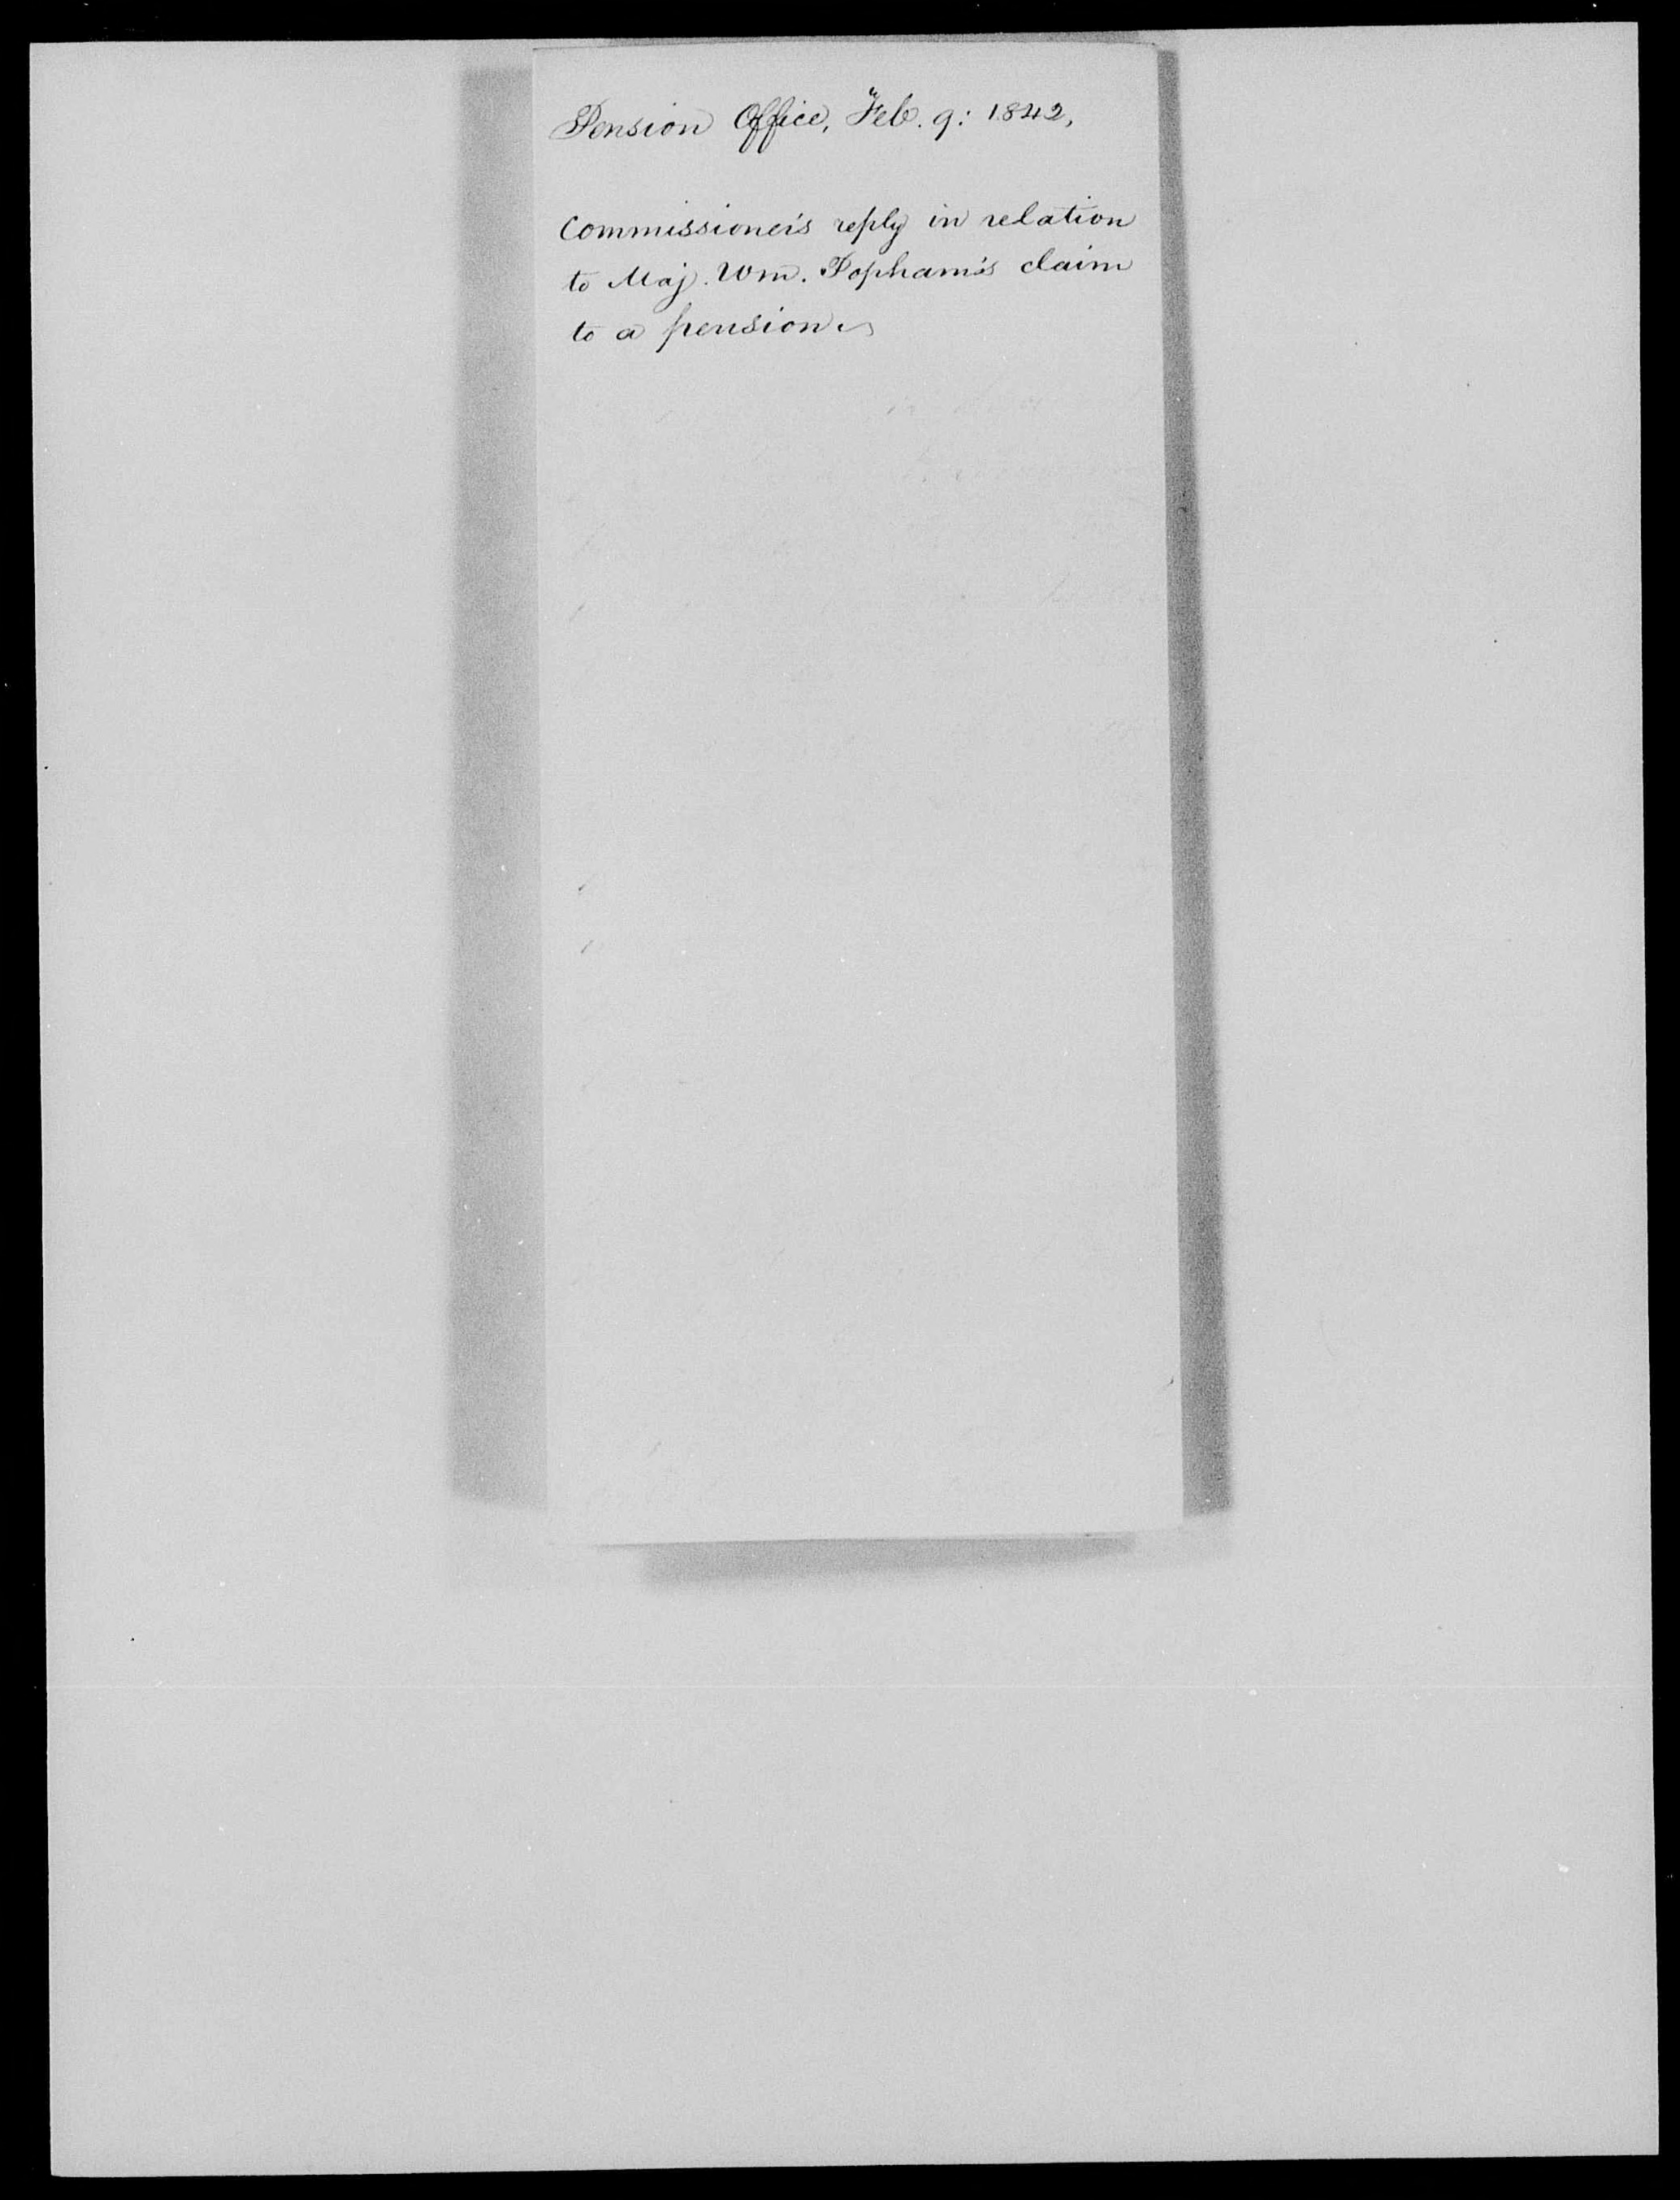Pension Office, Feb. 9: 1842,
Commissioner's reply in relation
to Maj Wm Popham's claim
to a pension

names: Wm Popham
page: 35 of 75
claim: survivor's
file: S. 9989, for William Popham, Delaware